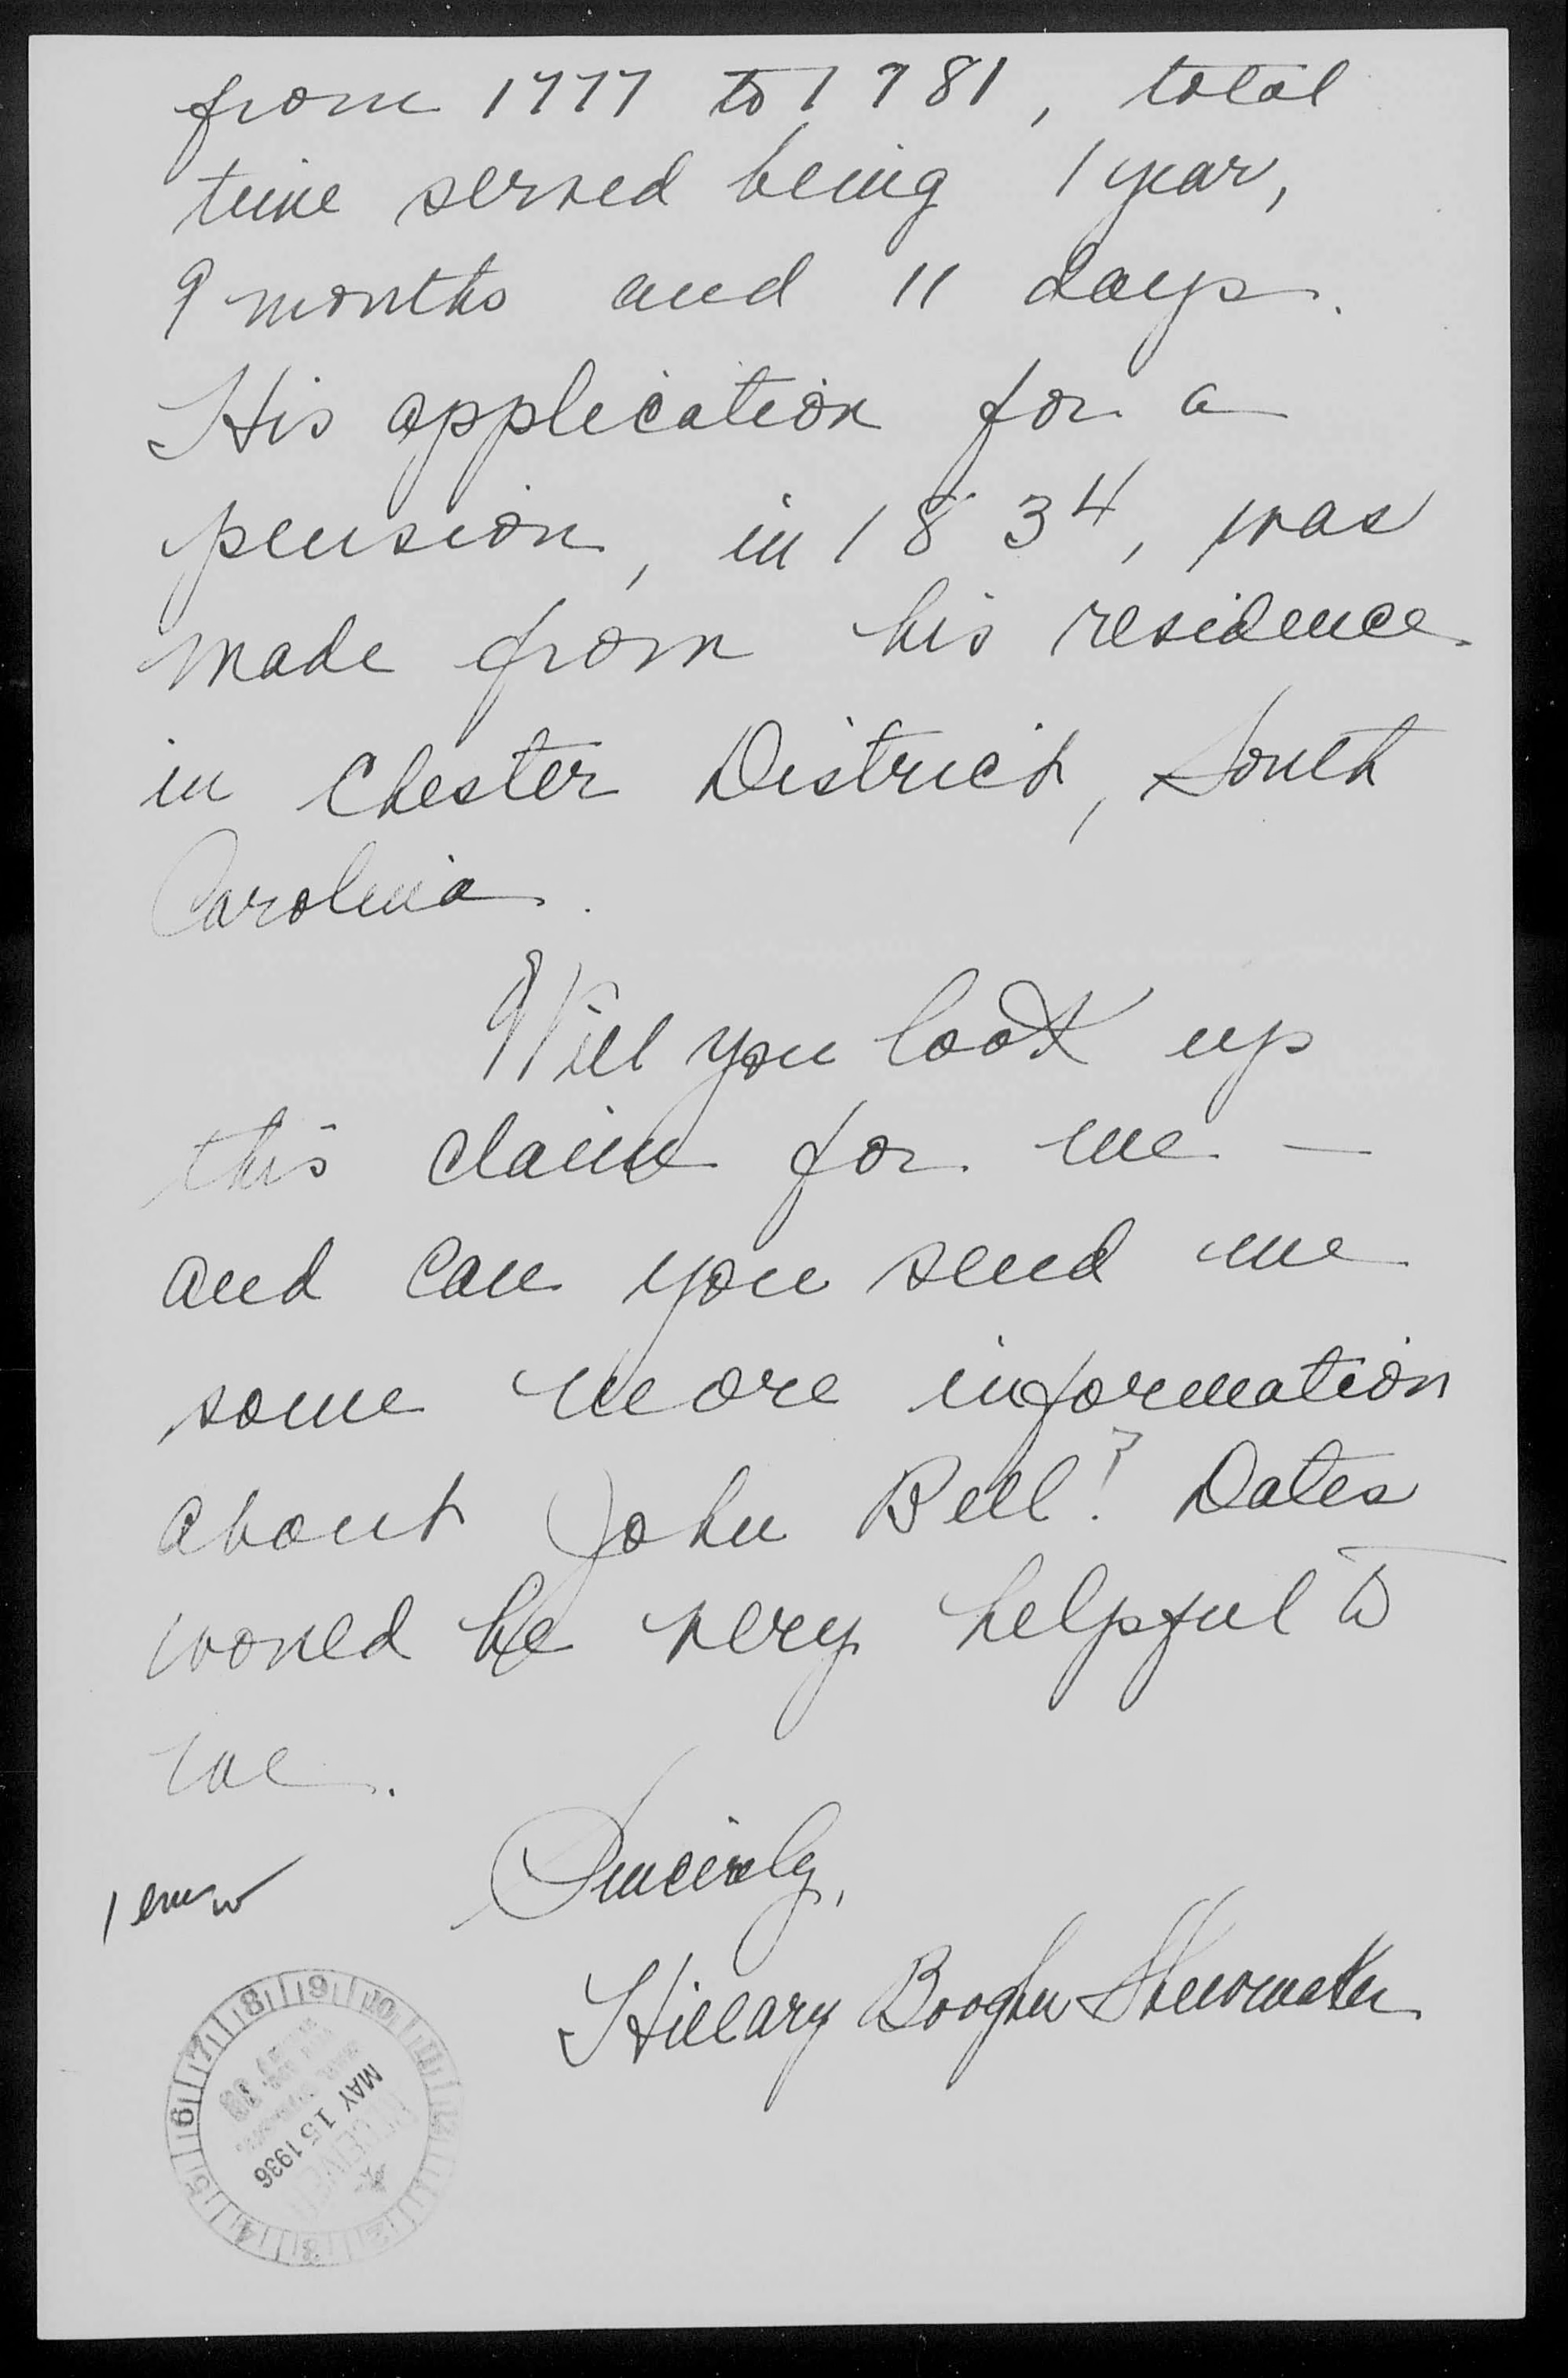from 1777 to 1781, total time served being 1 year, 9 months and 11 days. His application for pension, in 1834, was made from his residence in Chester District, South Carolina. 
Will you look up this claim for me- and can you send me some more information about John Bell? Dates would be very helpful as well. 

Sincerely, 
Hillary Boogher Shewmaker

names: John Bell, Hillary Boogher Shewmaker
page: 16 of 23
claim: survivor's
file: S. 21068, John Bell, Ga. N. C. S. C.